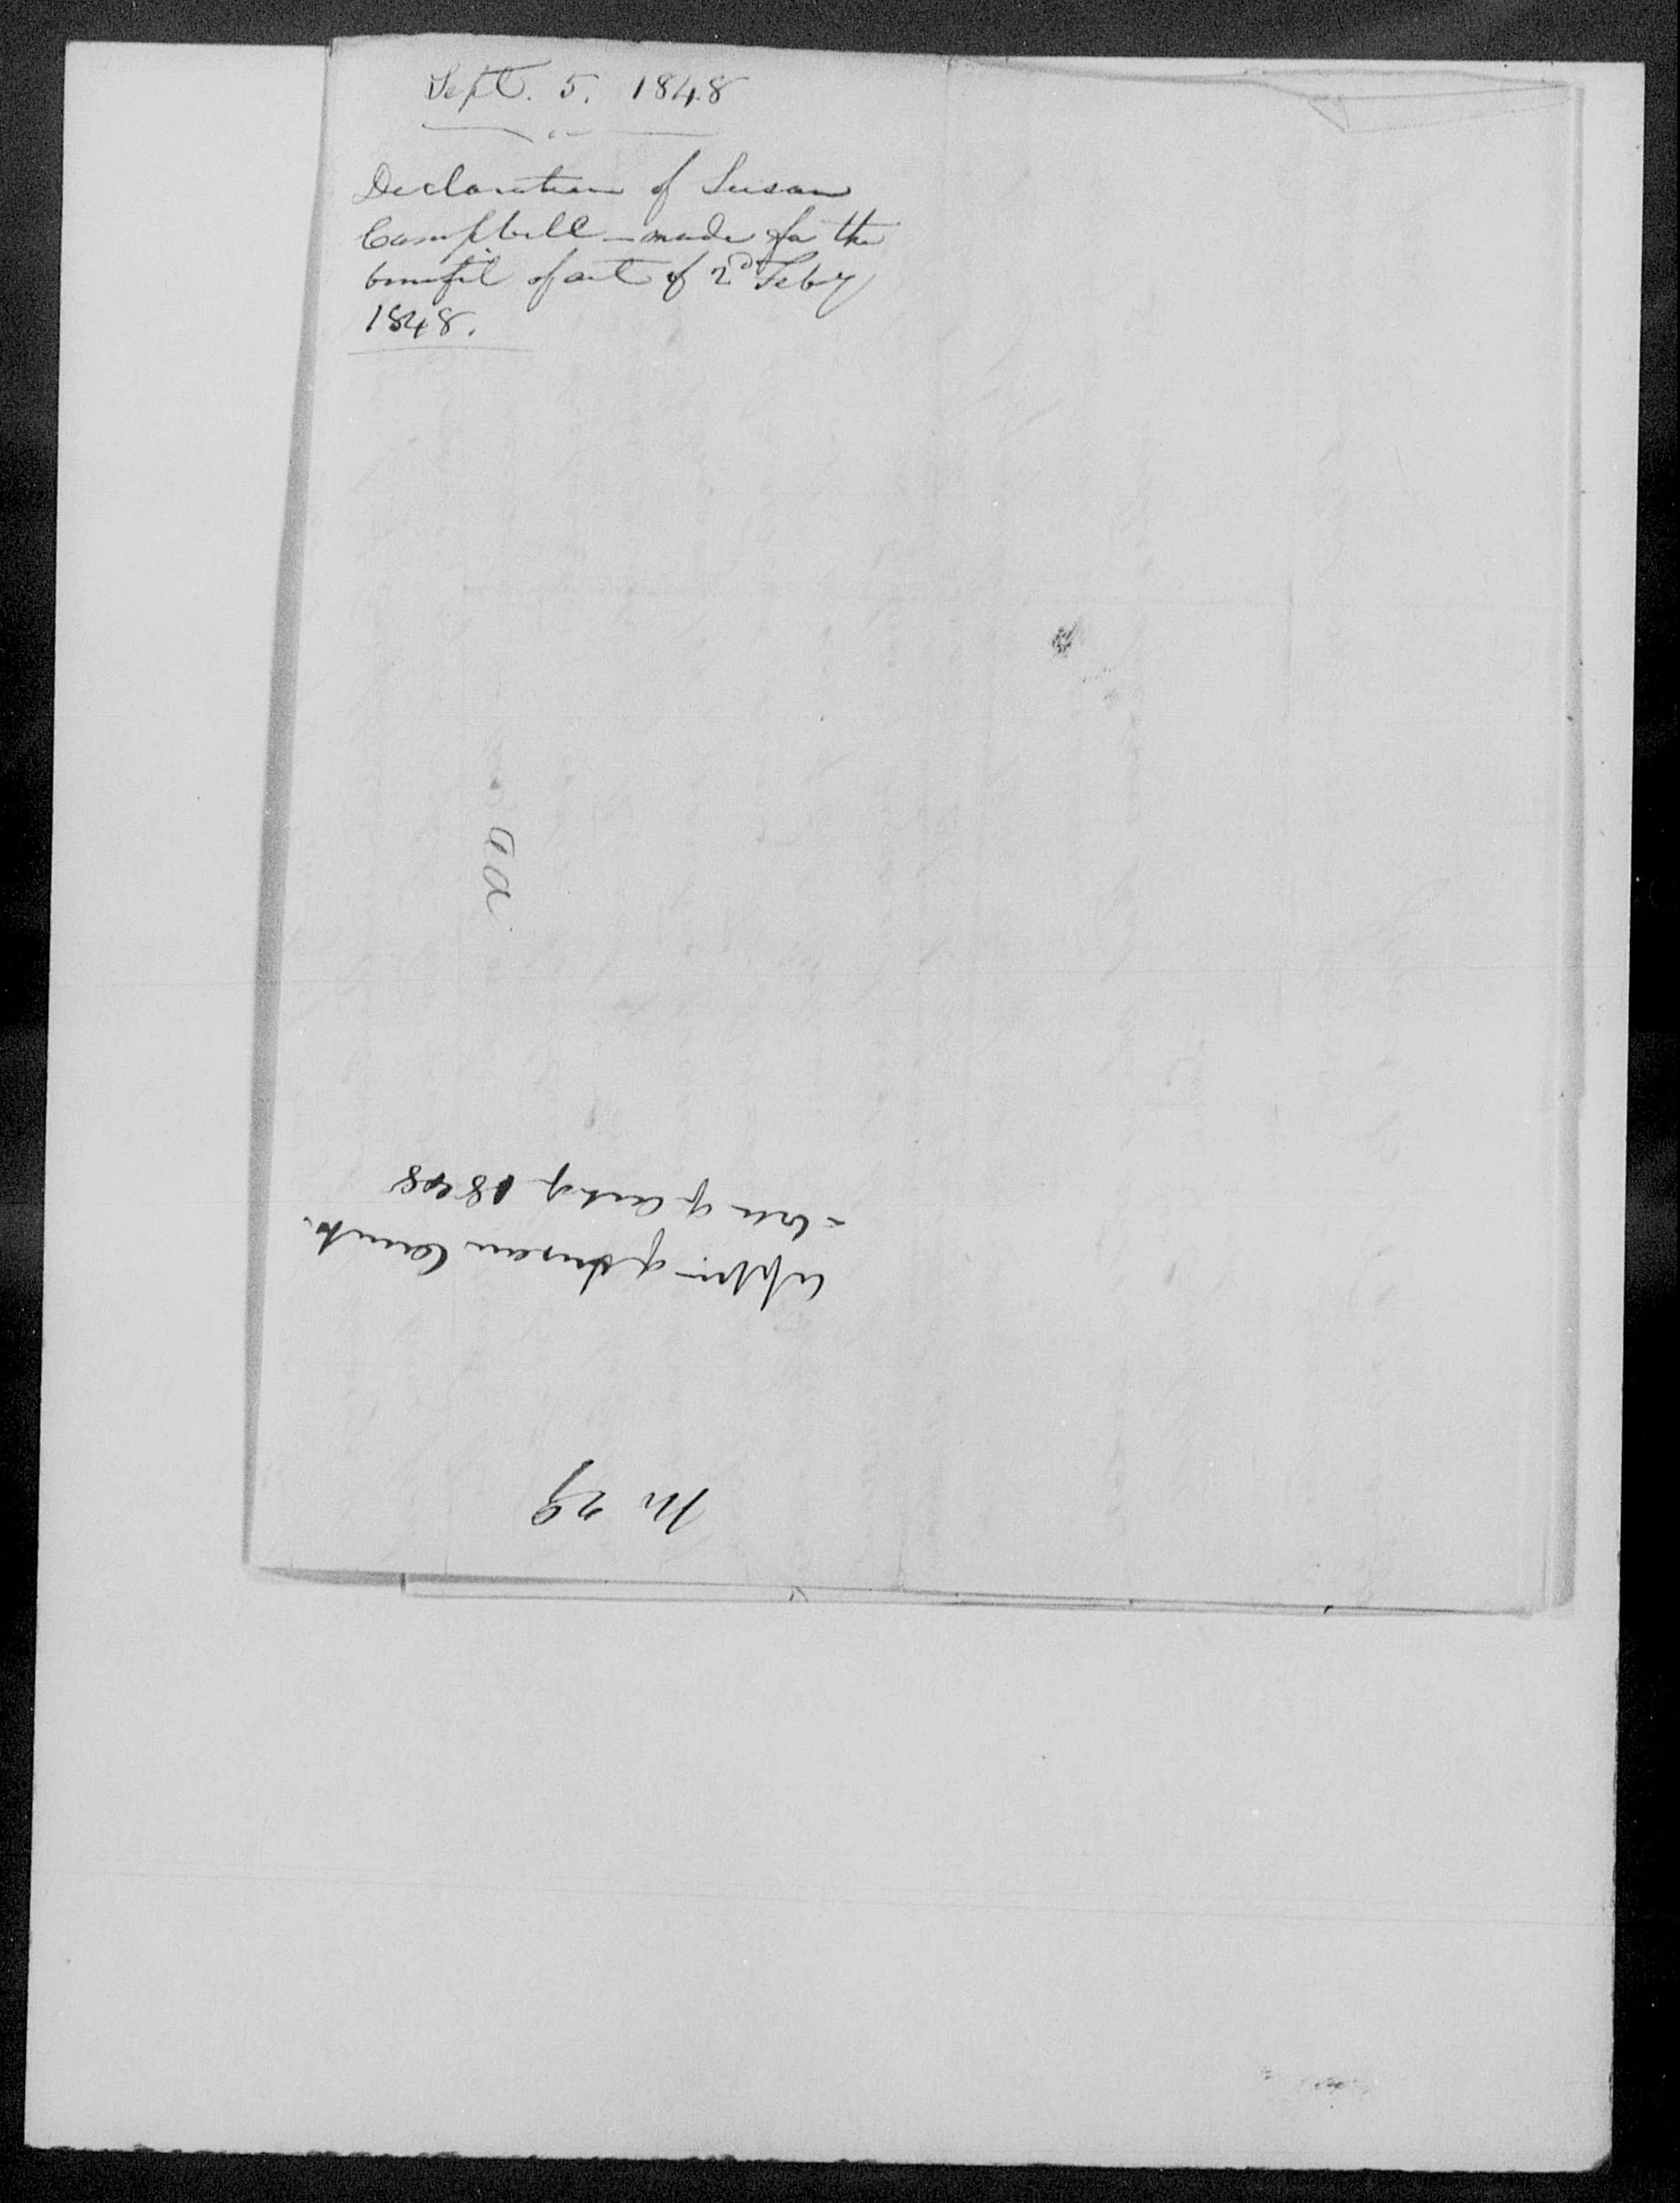Sept. 5, 1848

Declaration of Susan Campbell - made for the benefit of act of 2d Feb 1848


[illegible] of Susan Campbell   Act of 1848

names: Susan Campbell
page: 205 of 267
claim: widow's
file: W. 4,149, William Campbell, Va.